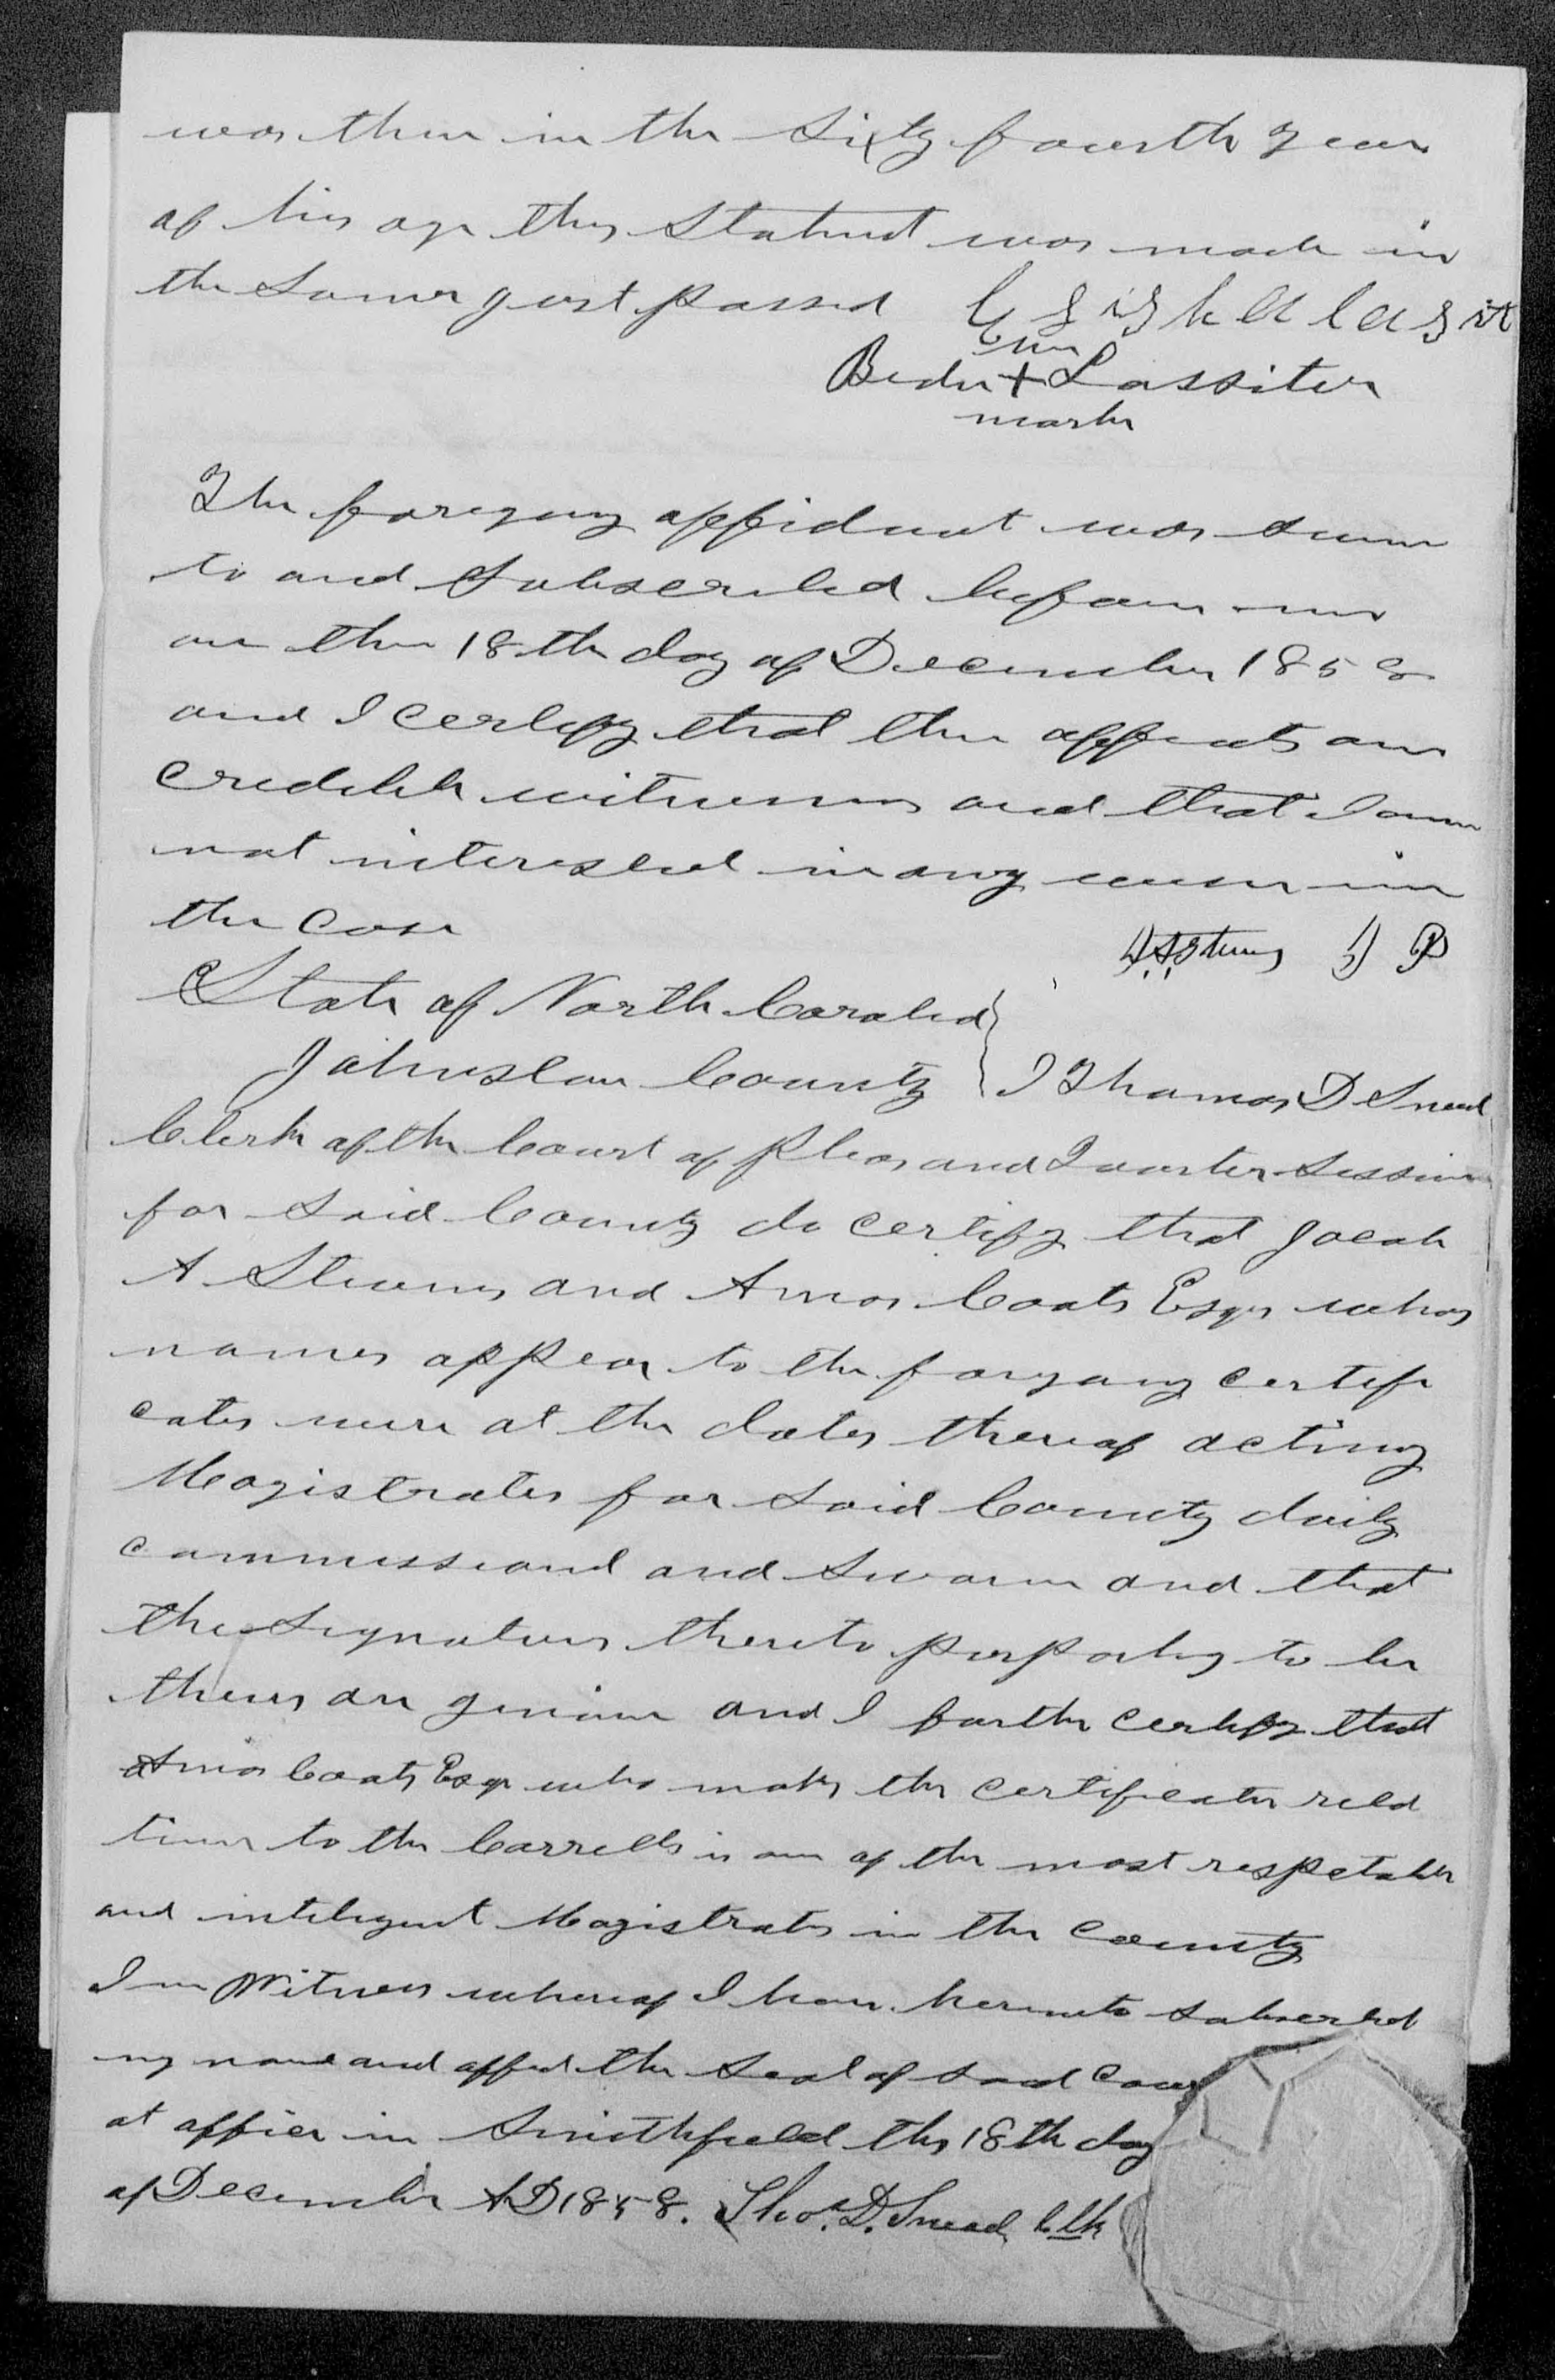was then in the sixty fourth year of his age this statement was made in the summer just passed 
[illegible]
Bedie & Lassiter

The foregoing affidavit was sworn to and subscribed before me on the 18th day of December 1858 and I certify that that these affiants are credible witnesses and that I am not interested in any  [illegible] in the case.

State of North Carolina)
Jonson County )                    Thomas D. Sneed

I Thomas D. Sneed clerk of the of the  court of pleas and  [illegible]   for said county do certify that Jacob A. Stevens and Amos Coats
Esqs  whose names appear to the foregoing certificates  [illegible] were  at the dates thereof acting.  Magistrates for said County duly commissioned and sworn and that the signatures thereto purporting to be theirs are genuine and I further certify that Amos Coats, Esq. who made the certificates   [illegible]    to the barrels in an of the most respectable and   intelligent magistrate in the county. 

 In witness wherof I have hereunto subscribed my name and affixed the seal of said County (seal blocks rest of sentence) at office in Smithfield this 18th day of (seal)
4 December A.D. 1858.  Tom D. Smeed 6th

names: Jacob A Stevens, Amos Coats, Thos D Sneed, Thomas D Sneed, Bedie Lassiter, Carrell, J A Steves, Amos Coats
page: 59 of 86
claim: widow's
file: W. 6899, James Carrell, N.C.